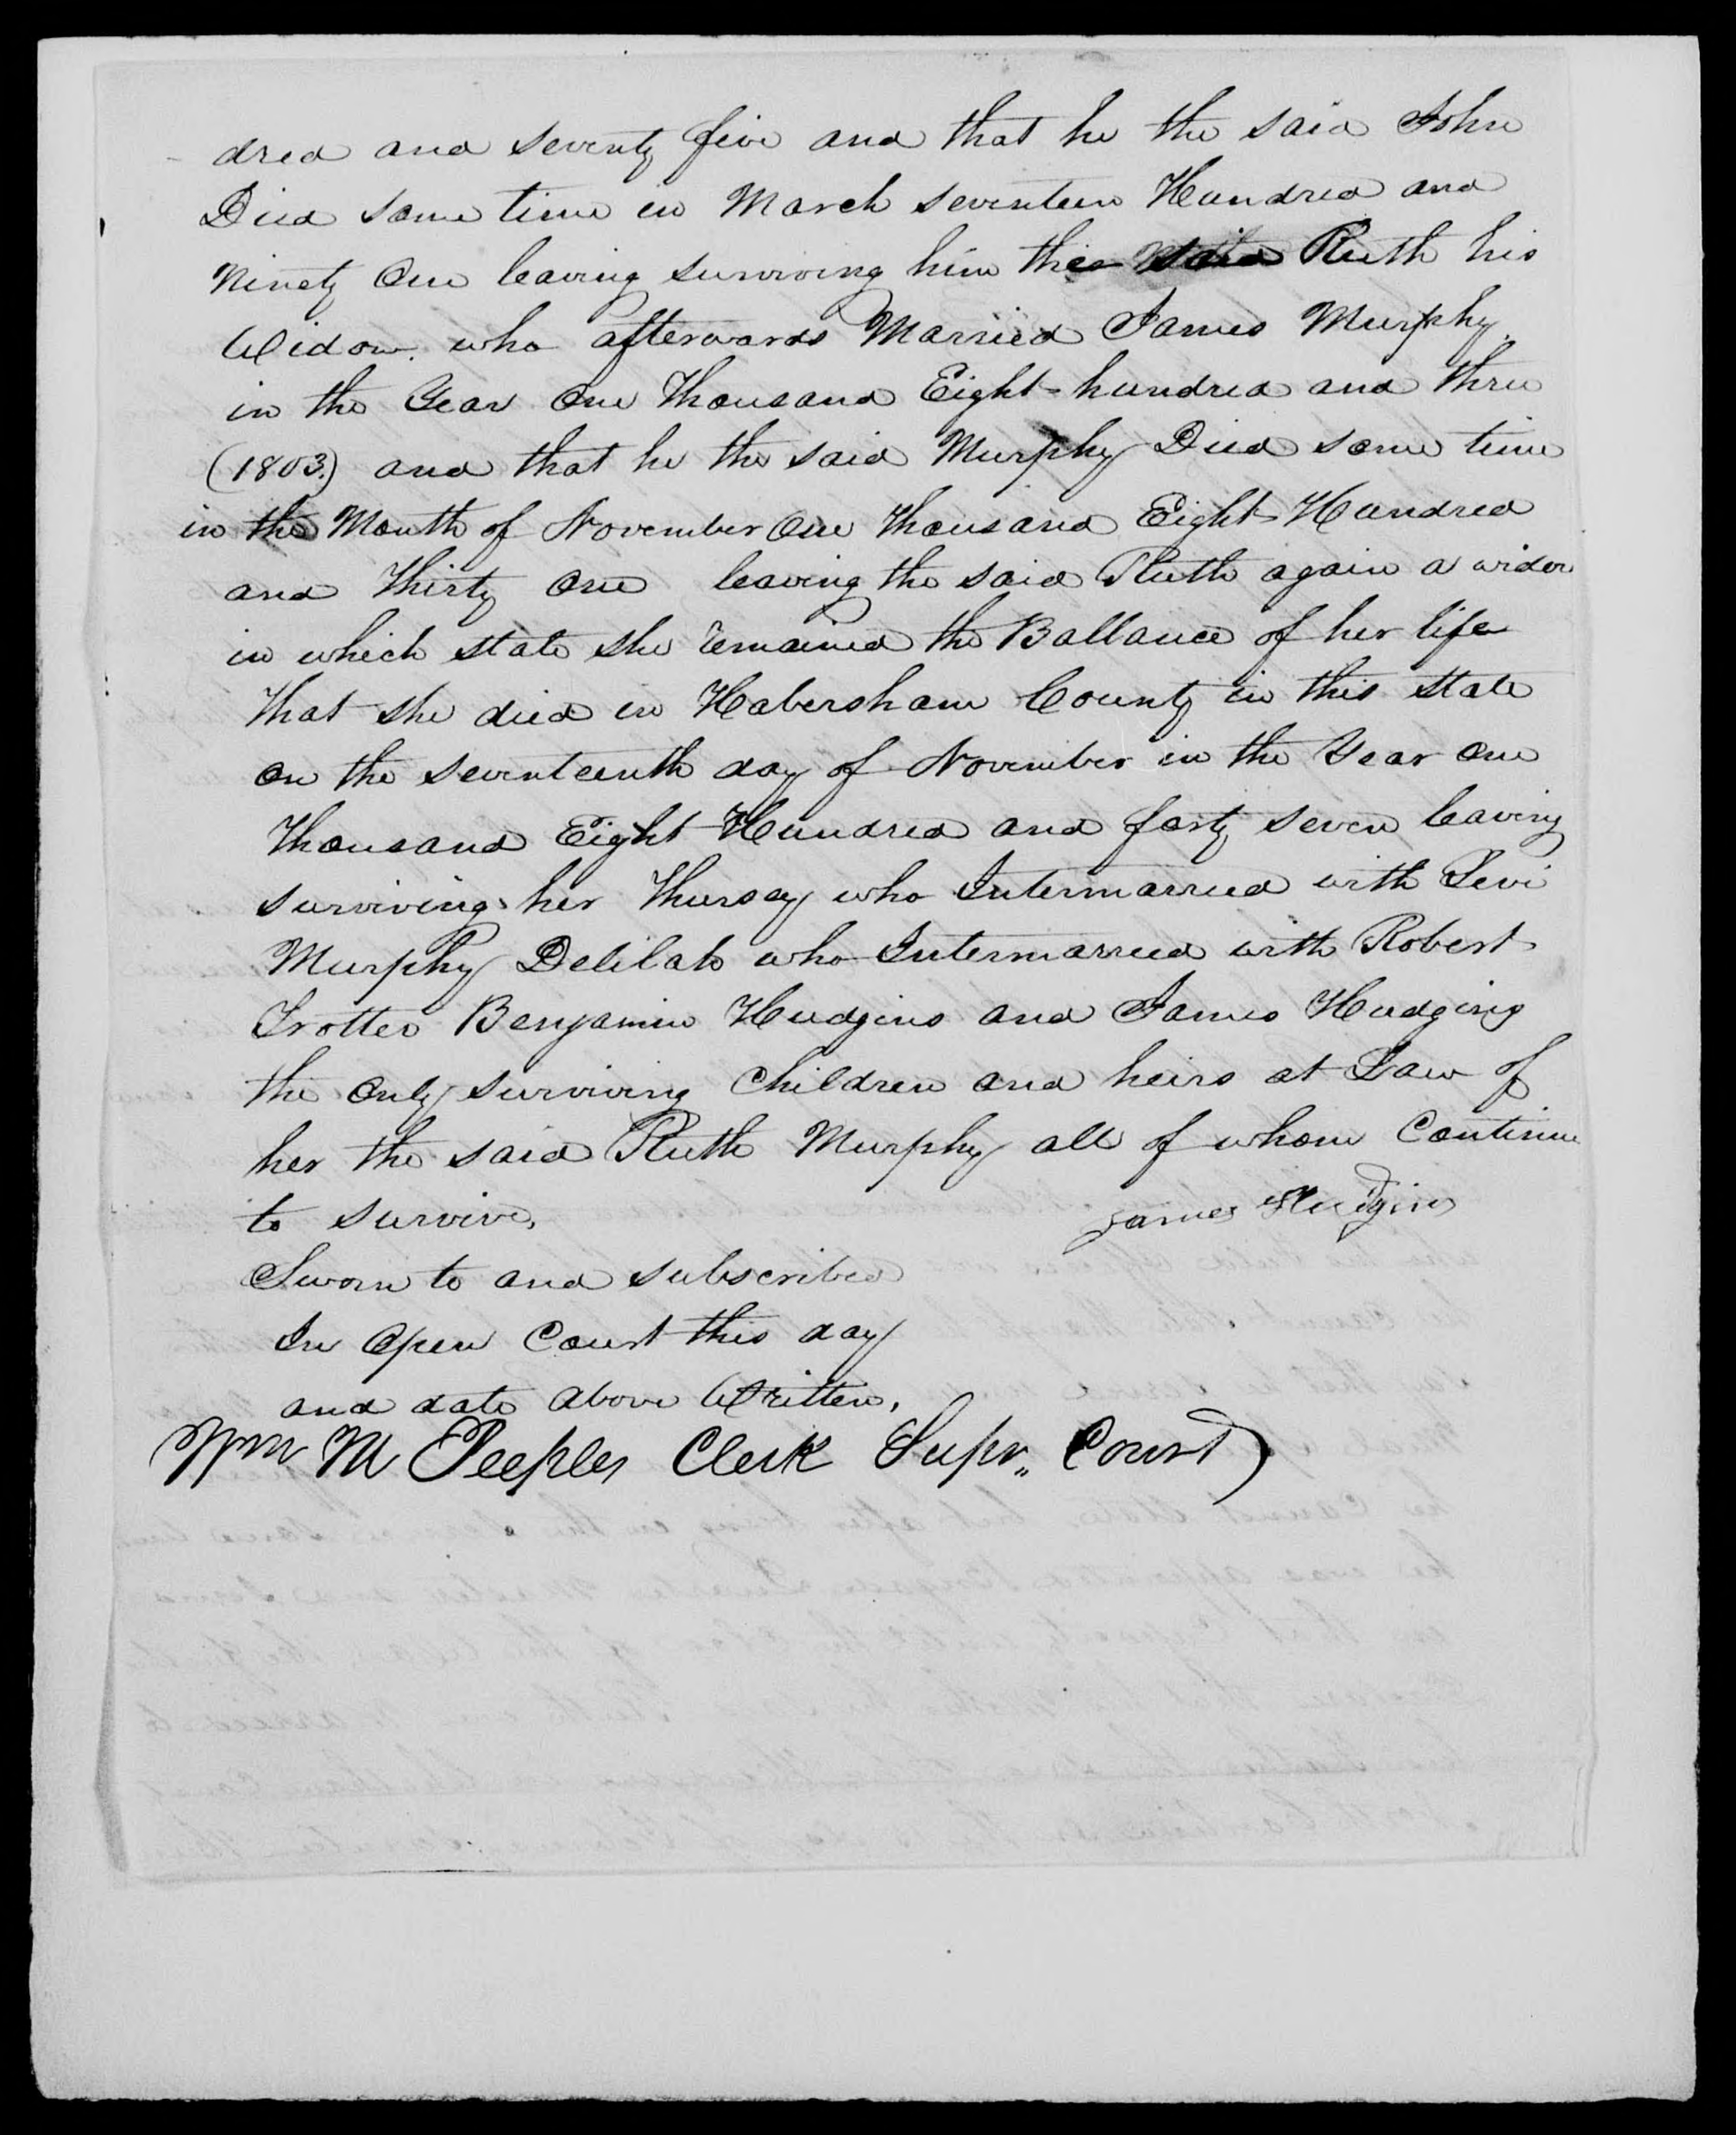dred and Seventy five and that he the said John died same time in March seventeen hundred and ninety one leaving surviving him this said Ruth his widow who afterwards married James Murphy, in the year one thousand eight hundred and three (1803) and that he the said Murphy died same time in the month of November one thousand eight hundred and thirty one leaving the said Ruth again a widow in which state she resided the ballance of her life. That she died in Habershaw County in this state on the seventeenth day of November in the year one thousand eight hundred and forty seven leaving surviving her heresay who intermarried with Robert Murphy Delilah who intermarried with Robert Trotter Benjamin Hudgins and James Hudging the only surviving children and heirs at Law of her the said Ruth Murphy all of whom continue to survive,
James Hugins
Sworn to and subscribes
In open court this day and date above written,
Wm M Peepler Clerk (not legible) court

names: John, James Hudgins, Benjamin Hudgins, James Murphy, Robert Trotter, Ruth Murphy, Wm M Peeples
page: 3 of 108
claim: rejected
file: R. 7,515, John Hudgins, N.C.